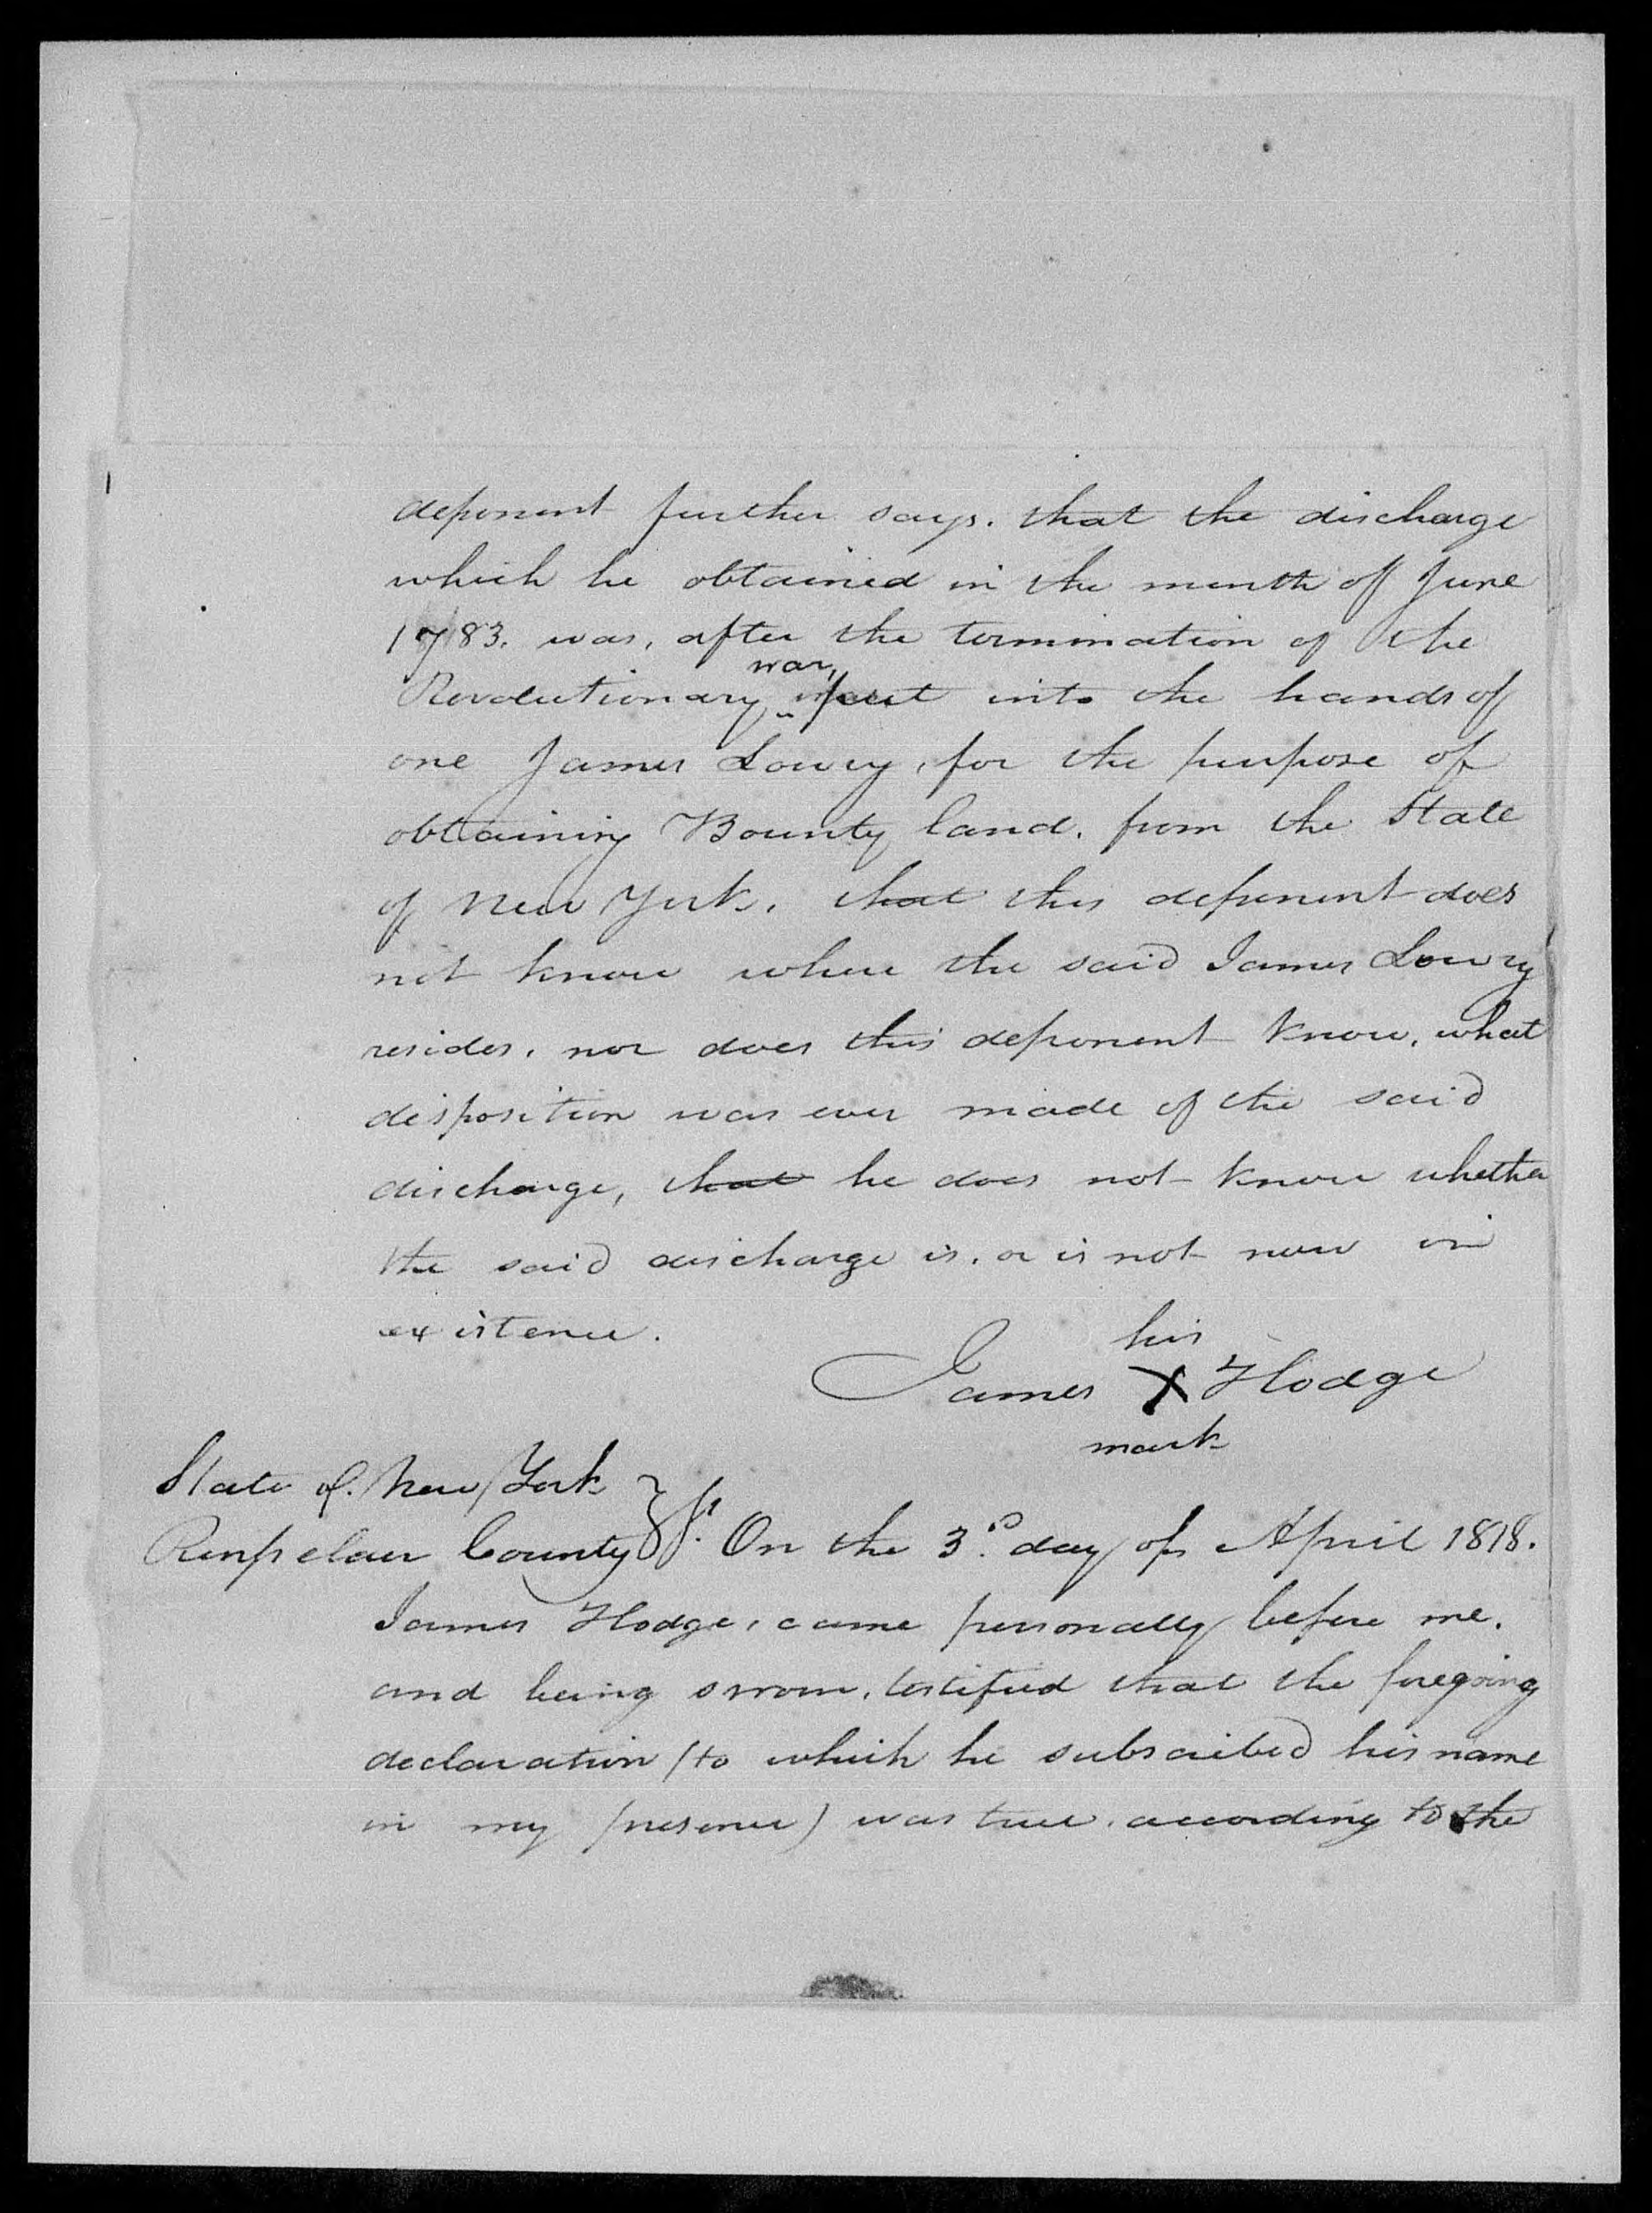deponent further says. that the discharge
which he obtained in the month of June
1783, was, after the termination of the
Revolutionary war put into the hands of
one Jamed Lowry for the purpose of 
obtaining Bounty land from the State
of New York. That this deponent does
not know where the said James Lowry
resides, nor does this deponent know, what
disposition was ever made of the said
discharge, that he does not know whether
the said discharge is, or is not now in 
existence.
			his
		James x Hodge
			mark

State of New York
Rensselaer County  On the 3d day of April 1818.
James Hodge came personally before me,
and being sworn, testified that the forgoing
declaration ( to which he subscribed his name
in my presence ) was true. according to the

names: James Hodge, James Lowry, James Lowey, James Hodge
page: 29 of 48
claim: widow's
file: W. 10476, James Hodge, New York